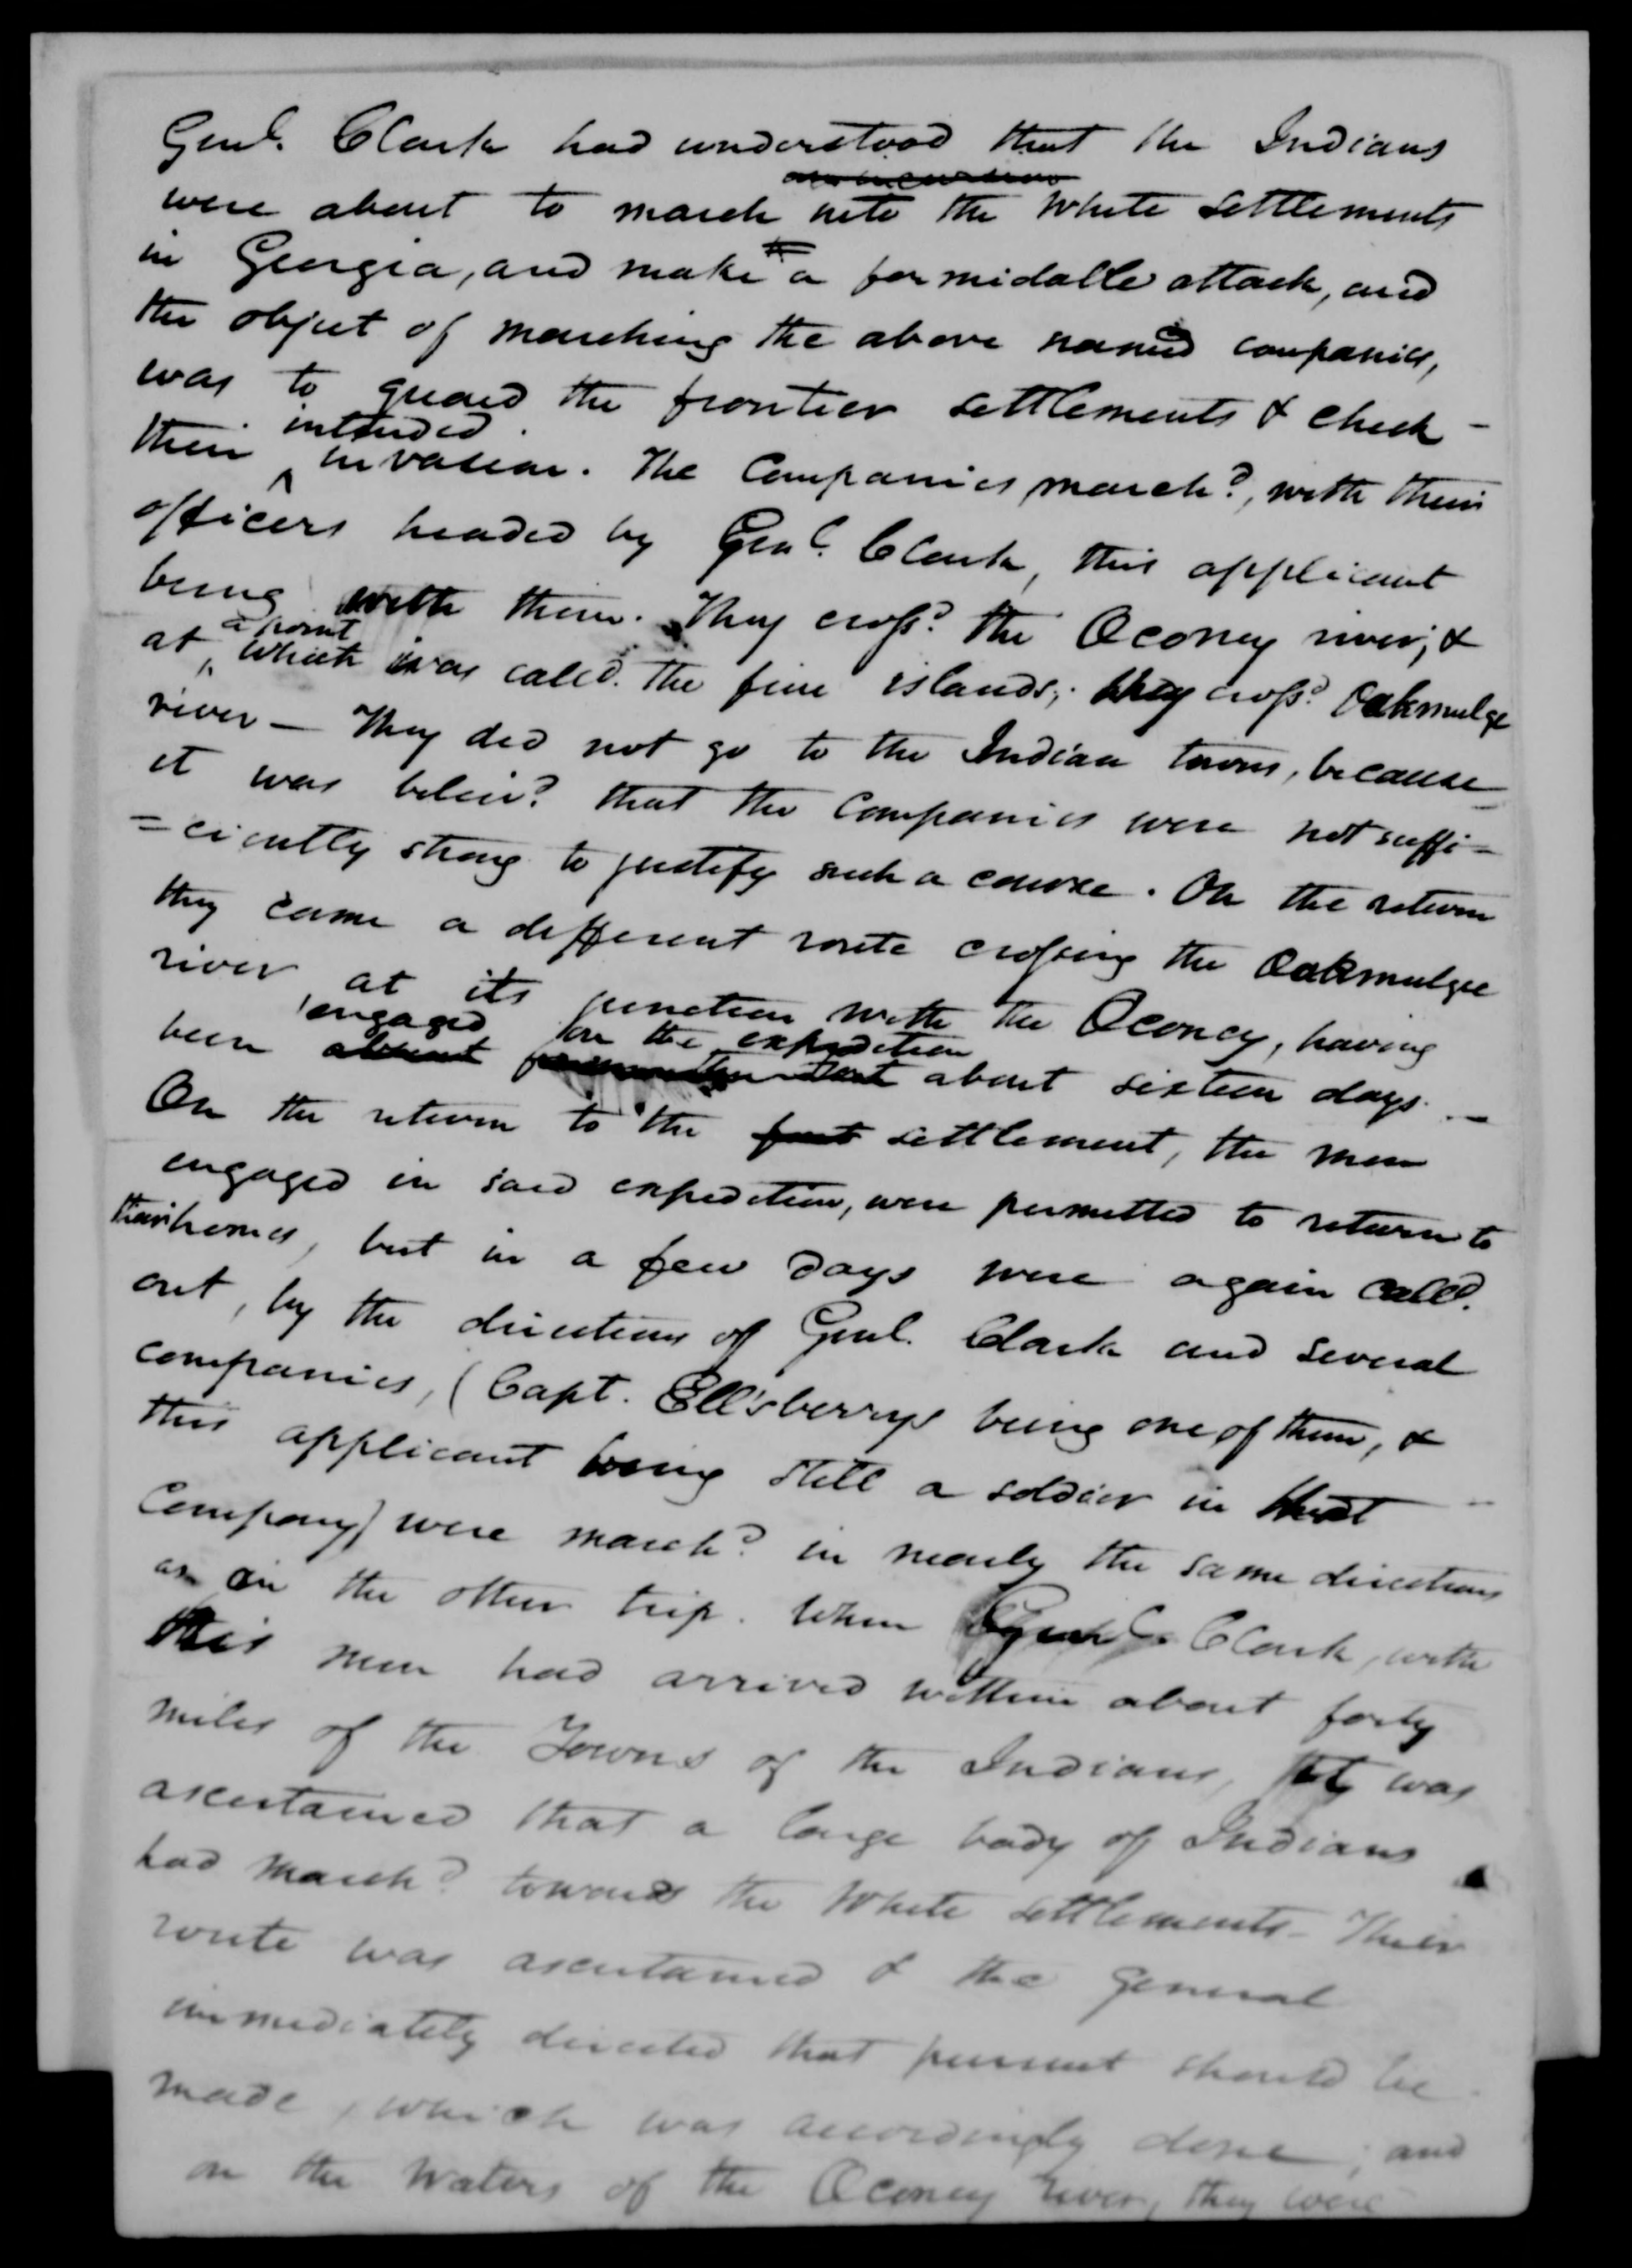Genl Clark had understood that the Indians
were about to march into the white settlements in Georgia, and make a formidable attack, and the object of marching the above named companies, was to guard the frontier settlements & check their intended invasion. The companies marchd with their officers headed by Genl Clark, this applicant being with them. They crossd the Oconey [Oconee] river & at about which was called the five islands, they crossd Oakmulge [Okmulgee] river-- They did not go to the Indian towns, because it was believd that the companies were not sufficiently strong to justify such a course. On the return they came a different route crossing the Okmulgee river at its junction with the Oconey, [Oconee] having been engaged in the expedition  about sixteen days. On the return to the settlement, the men engaged in said expedition, were permitted to return to their
homes, but in a few days were again calld
out, by the directions of Genl Clark and several
companies, (Capt Ellisberry being one of them, & this applicant being still a soldier in that
Company) were marchd in nearly the same directions as on the other trip. When Gen. C. Clark, with his men had arrived within about forty miles of the Towns of the Indians, it was
ascertained that a large body of Indians had marchd toward the white settlements. Their route was ascertained & the general immediately directed that pursuit should be
made, which was accordingly done; and
on the waters of the Oconey [Oconee] River, they were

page: 8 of 53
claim: widow's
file: W. 6,267, for John Thurman, Georgia